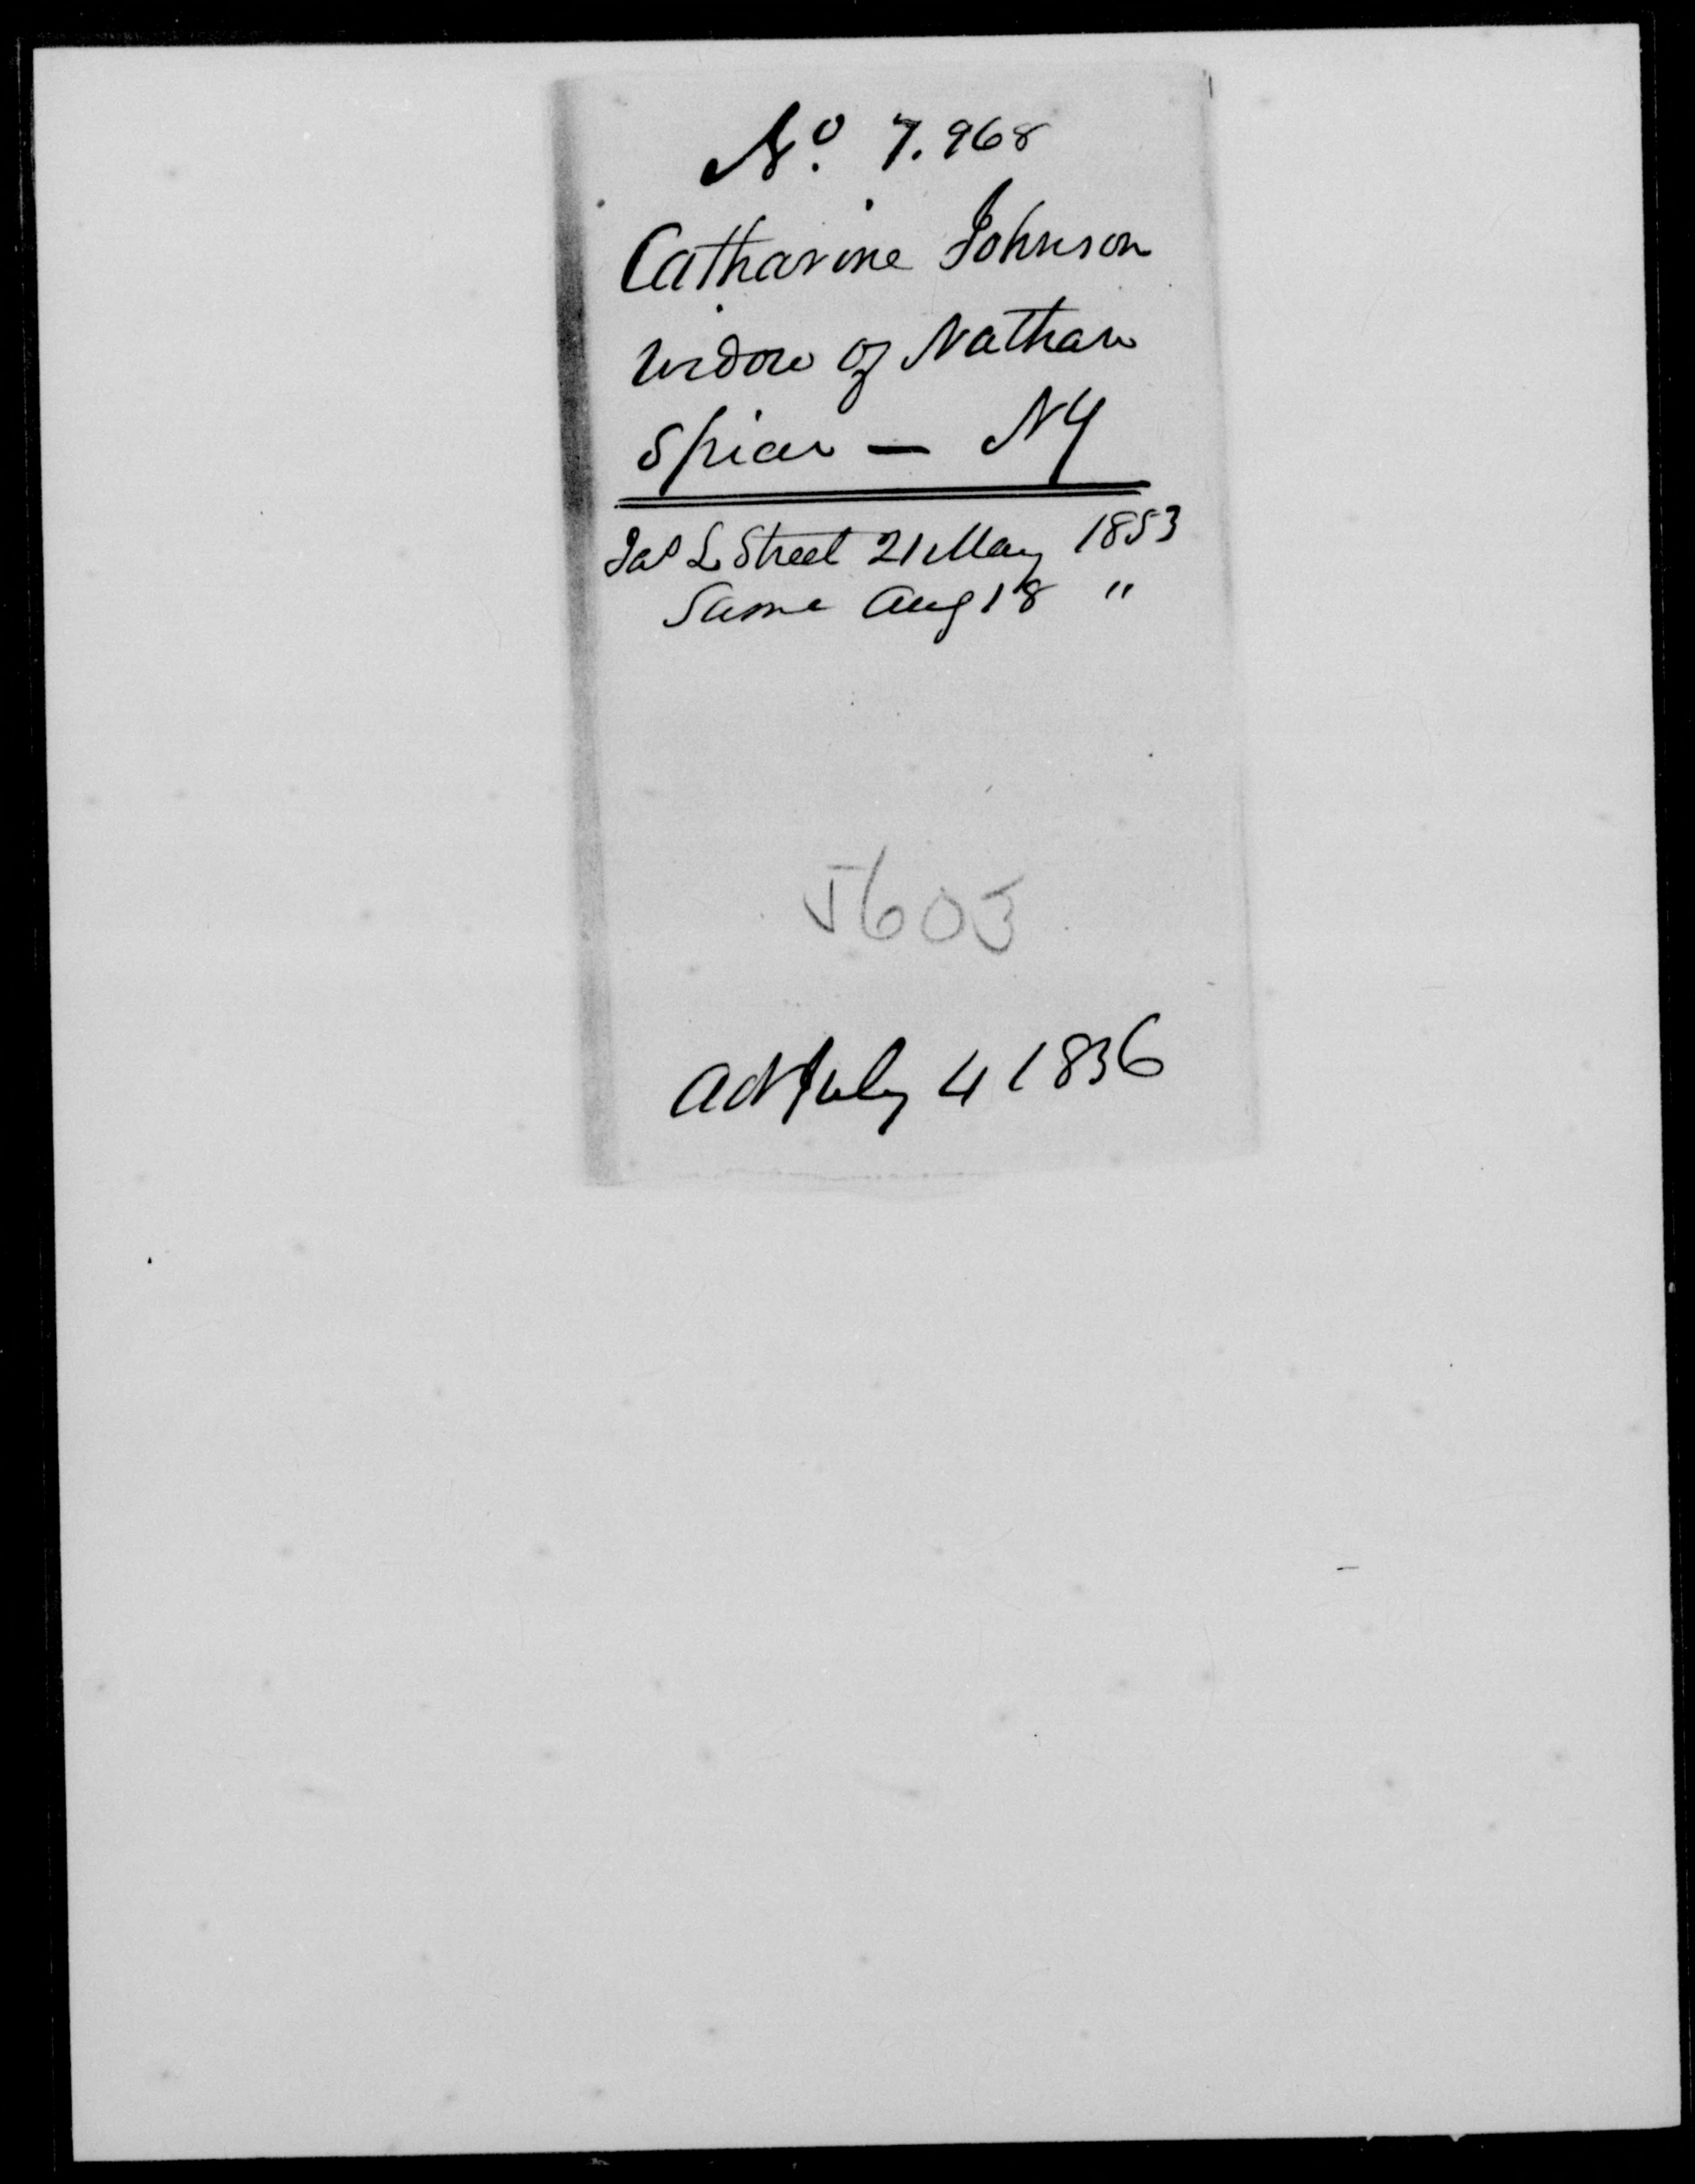No. 7,968
Catharine Johnson widow of Nathan Spicer - NY
Jas L. Street 21 May 1853
Same Aug 18 1853
5603
Act July 4 1836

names: Nathan Spicer; Catharine Johnson; Jas L Street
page: 12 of 33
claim: rejected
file: R. 5603, for Nathan Spicer, New York